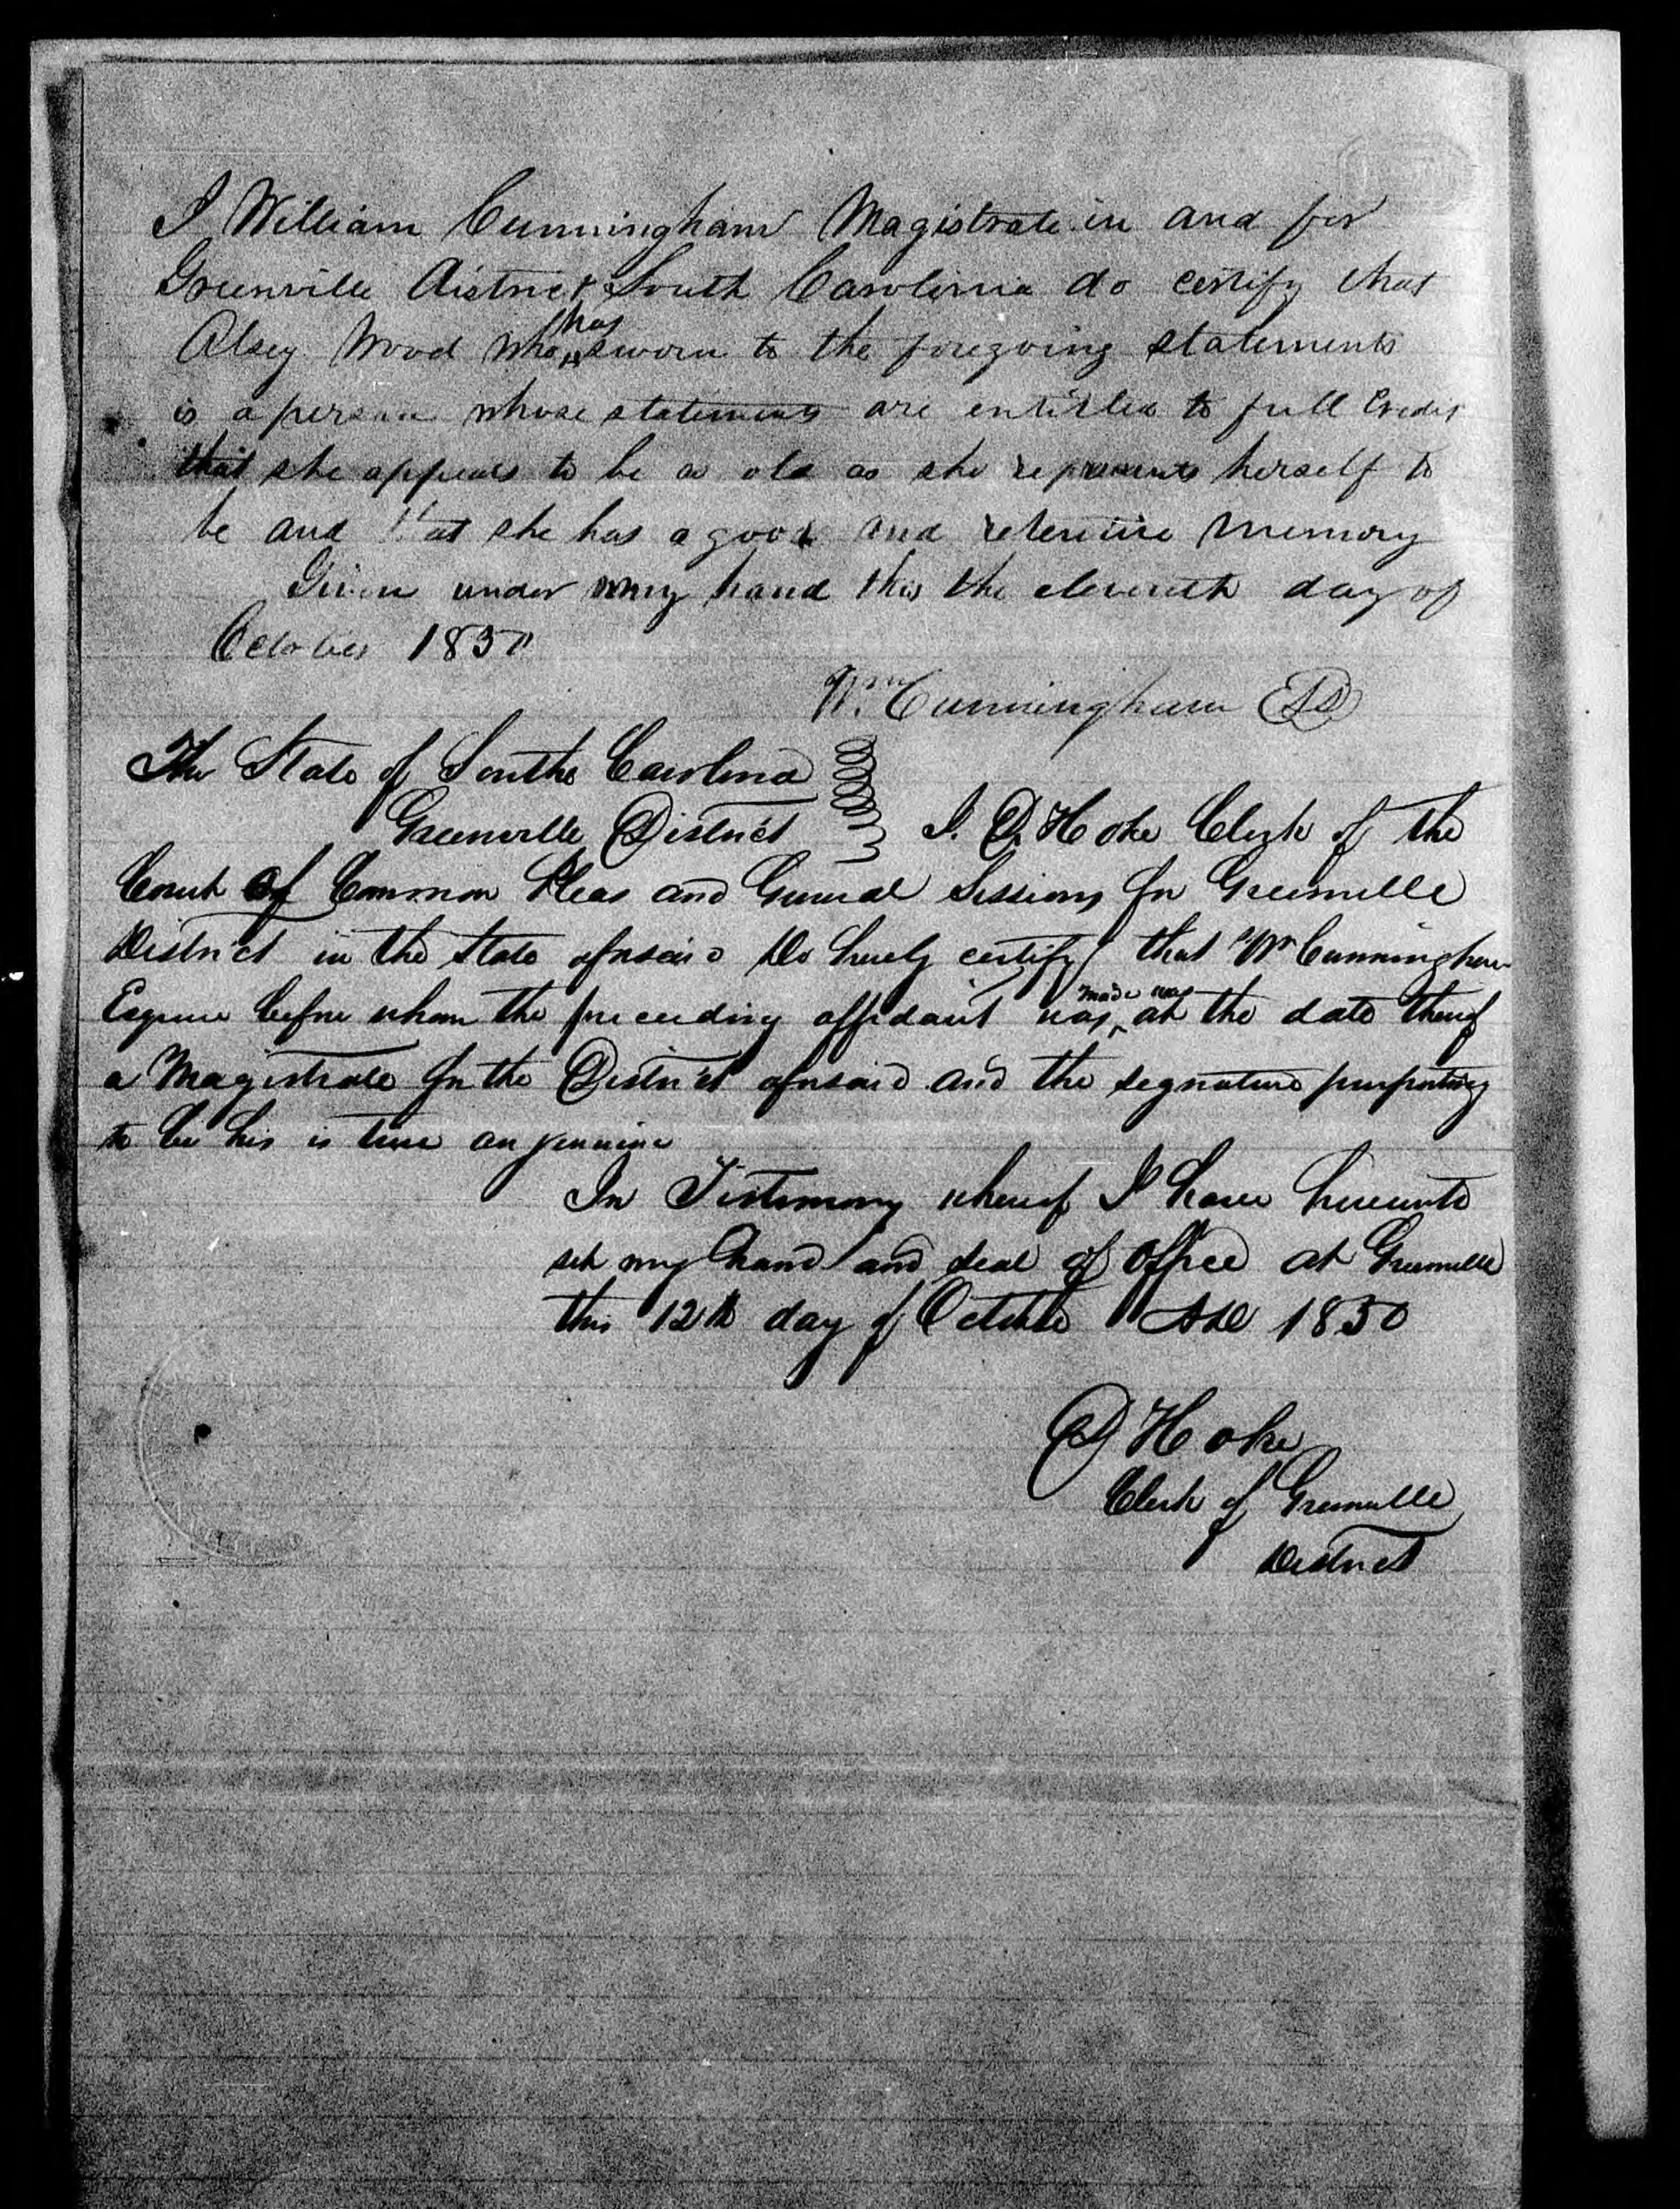I William Cunningham Magistrate in and for 
Greenville District South Carolina do certify that 
Alsey Wood who has sworn to the foregoing statements 
is a person whose statements are entitled to full credit
that she appears to be as old as she represents herself to 
be and that she has a good a retentive memory
Given under my hand this the eleventh day of 
October 1850

Wm. Cunningham  (seal)


The State of South Carolina
Greenville District

I D. Hoke Clerk of the 
Court of Common Pleas and General Sessions for Greenville
District in the State aforesaid Do hereby certify that Wm Cunningham
Esquire before whom the preceeding affidavit was made was at the date thereof
a Magistrate for the District aforesaid and the signature purporting 
be his is true and genuine
In Testimony whereof I have hereunto
set my hand and Seal of Office at Greenville
this 12th day of October AD 1850

D Hoke 
Clerk of Greenville
District

[seal]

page: 9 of 29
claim: rejected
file: R. 5862, for Isham Kendrick, North Carolina